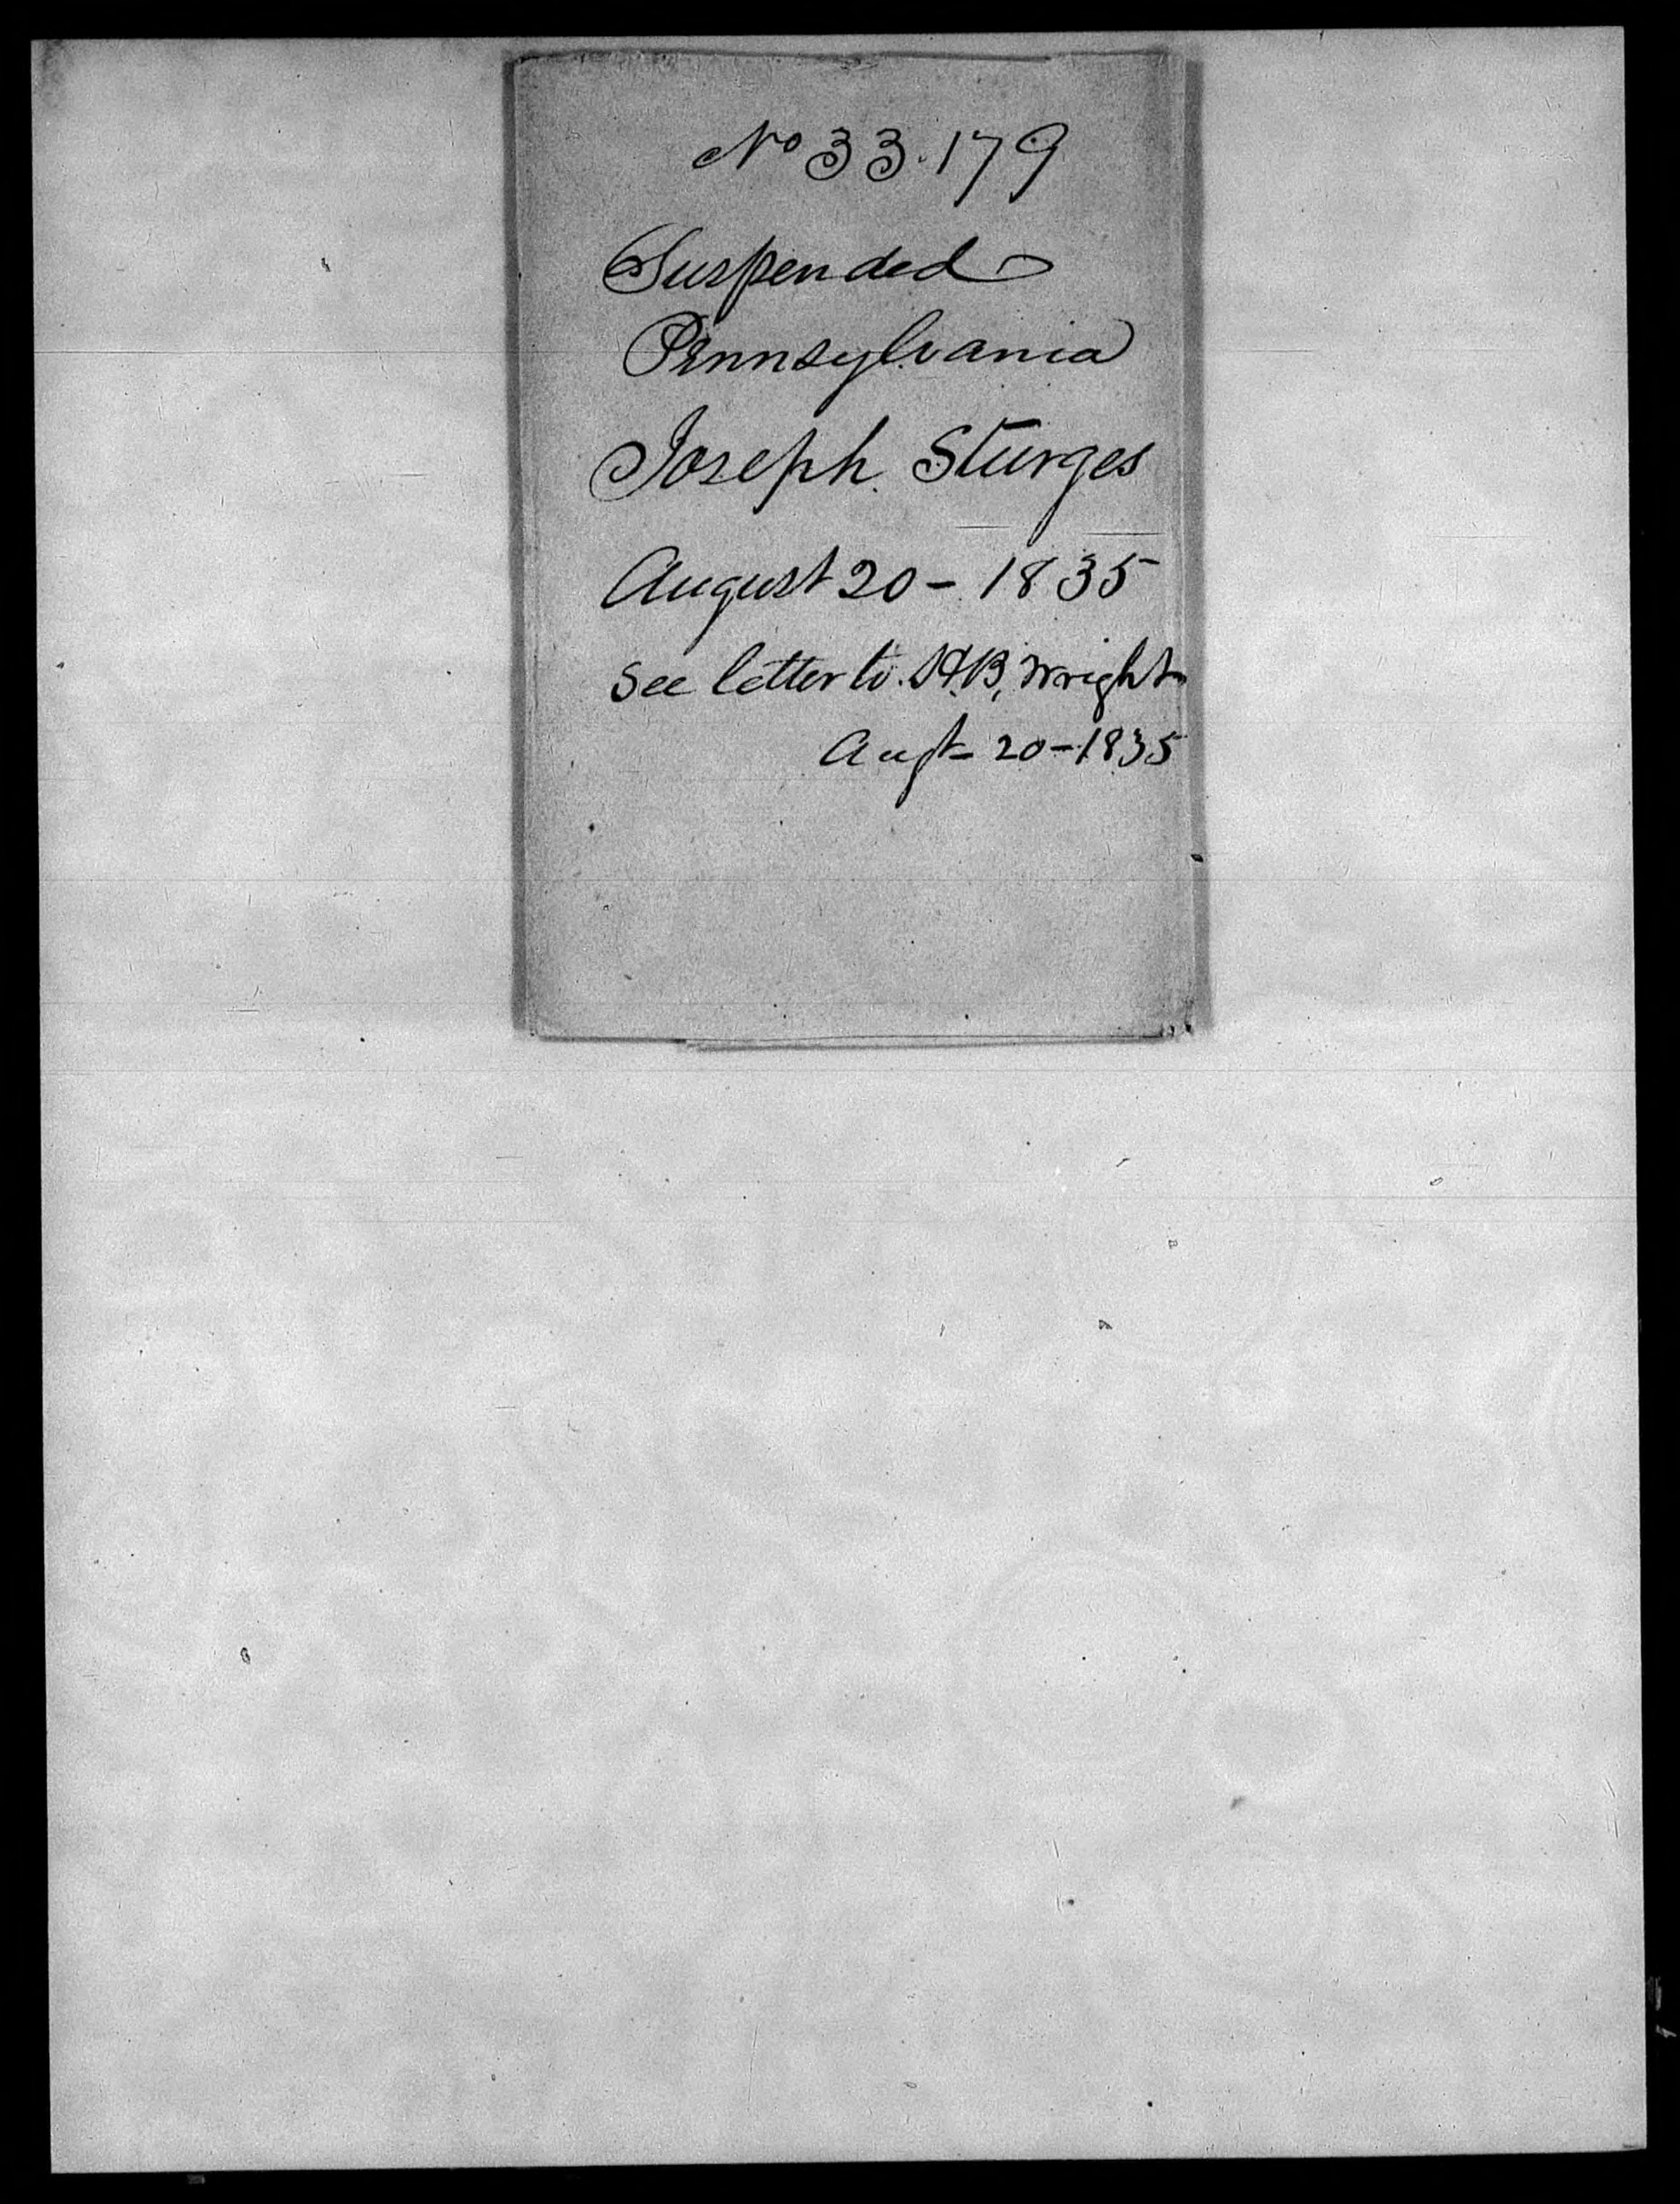No. 33.179
Suspended
Pennsylvania
Joseph Sturges
August 20 - 1835
See letter to H. B. Wright
Augt 20 1835.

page: 21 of 31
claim: survivor's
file: S. 6154, for Joseph Sturgis, Pennsylvania